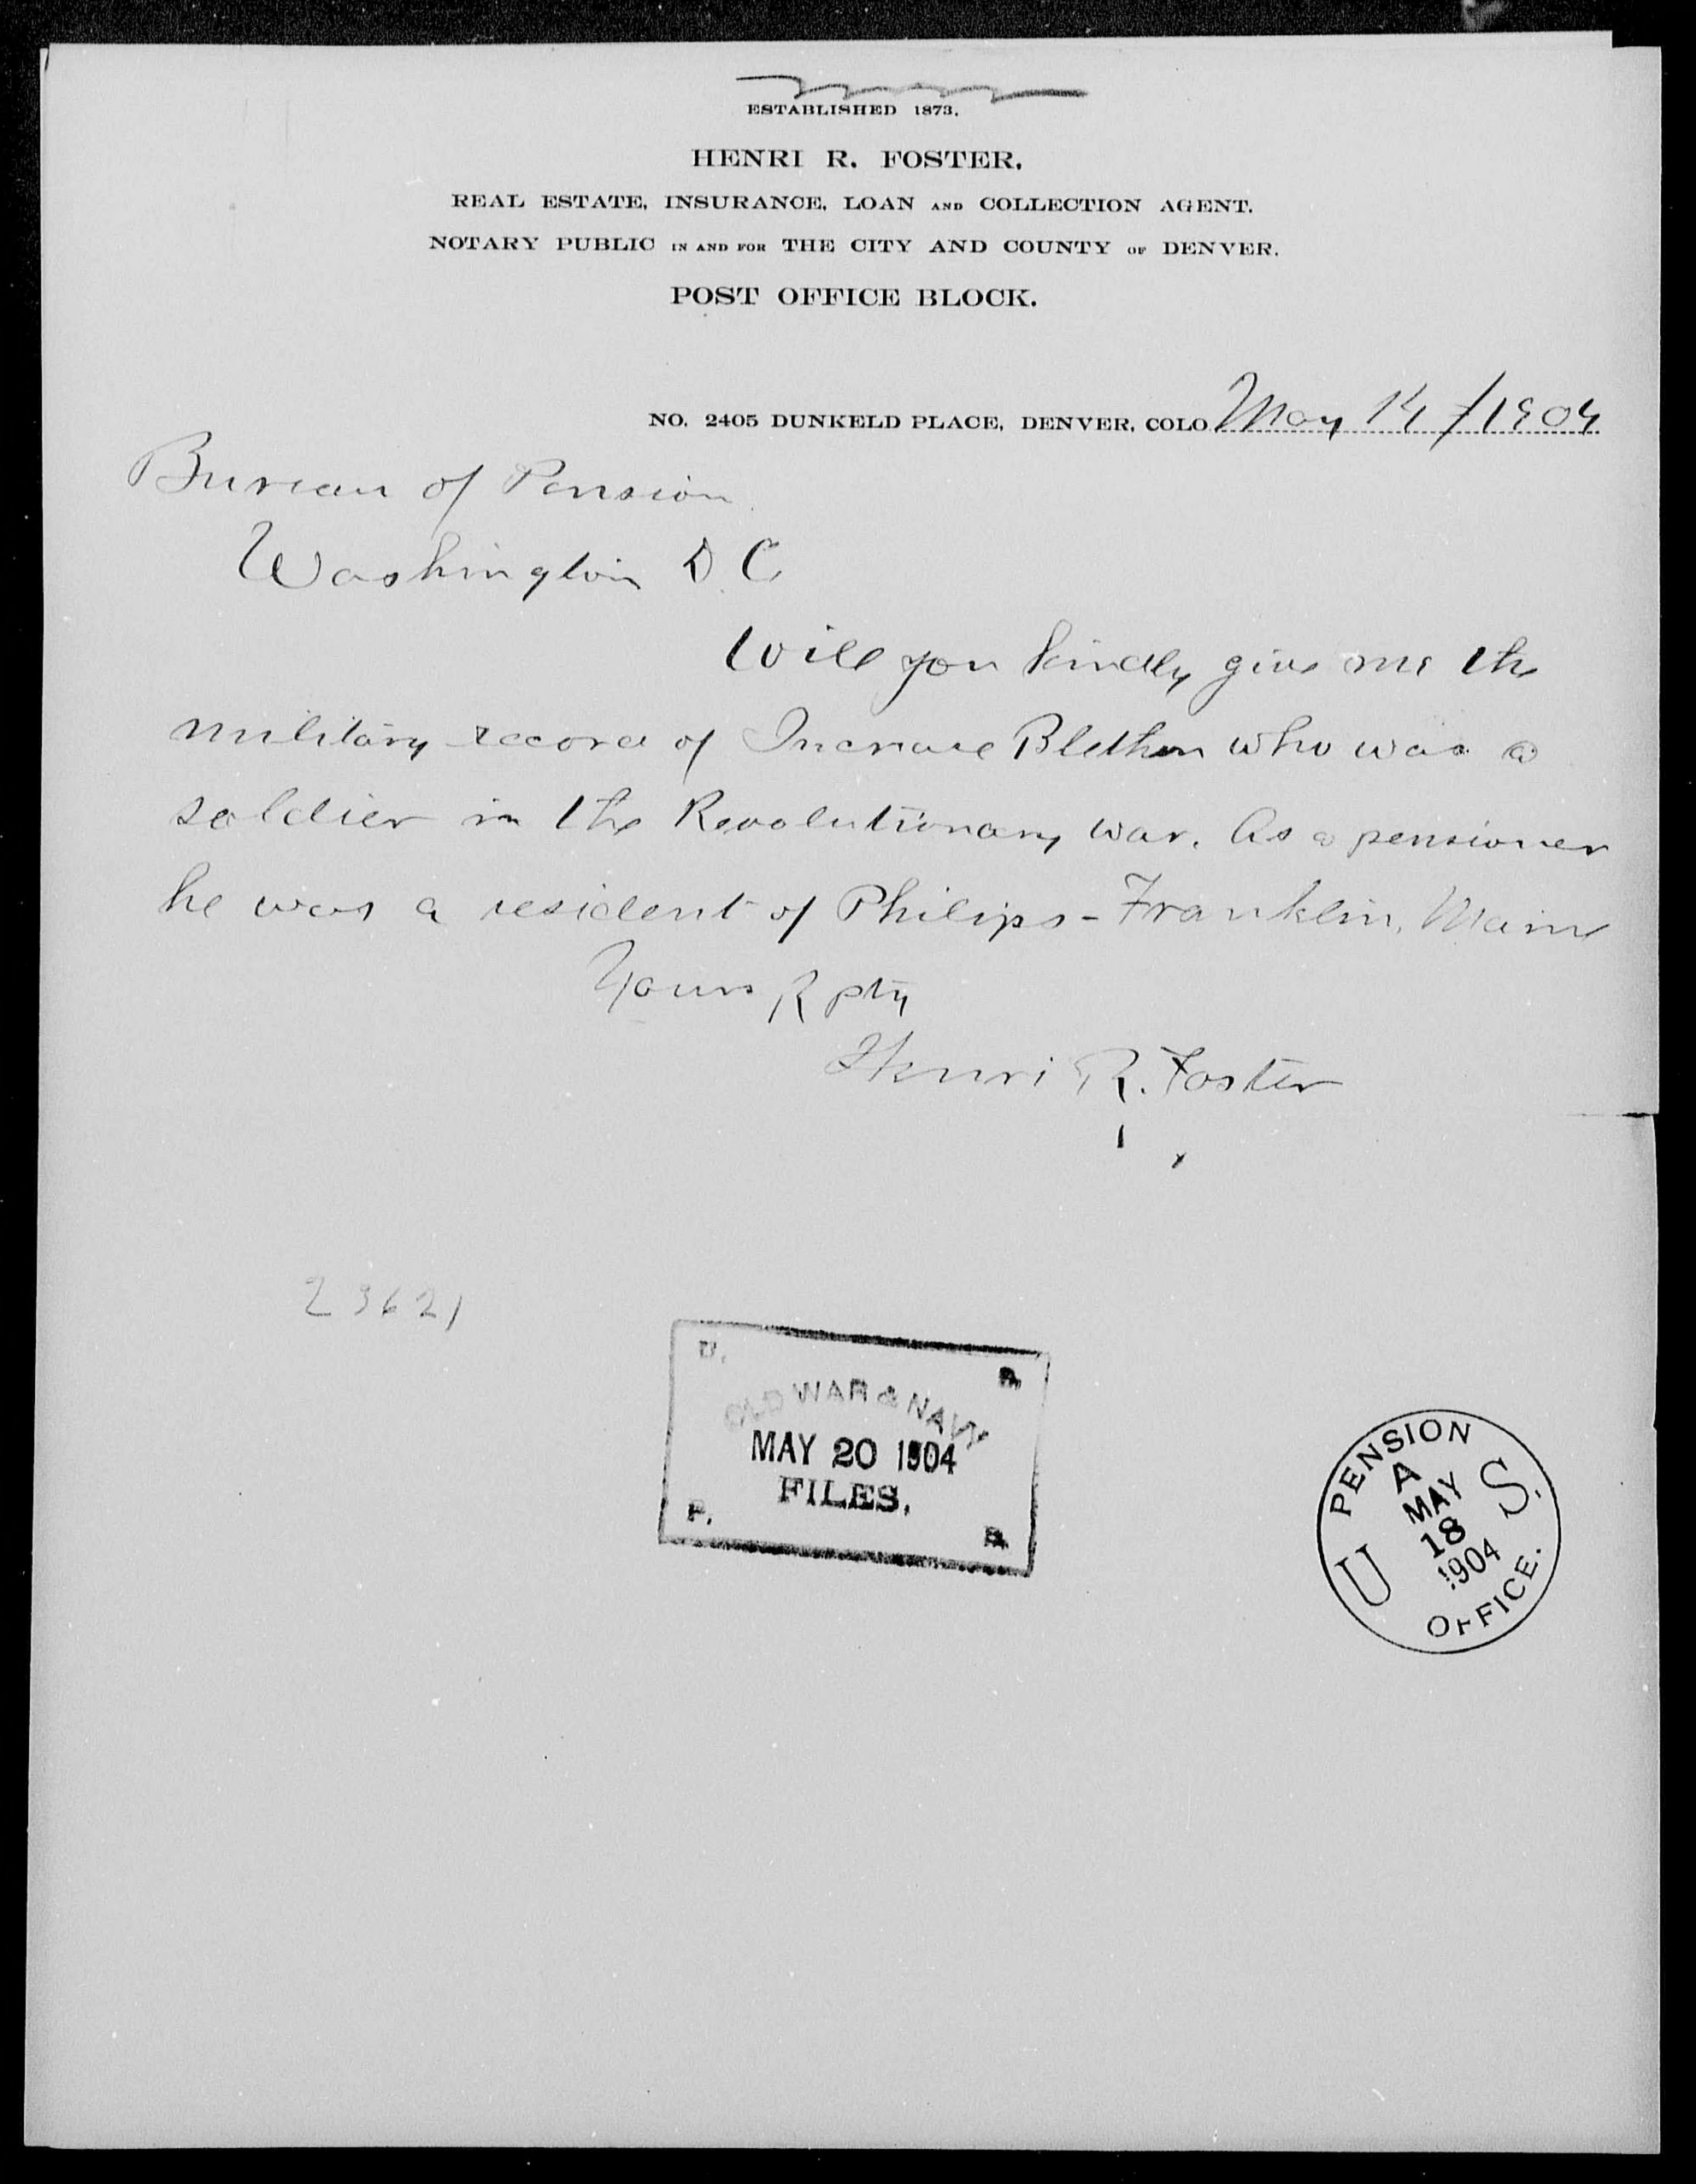ESTABLISHED 1873.
HENRI R. FOSTER,
REAL ESTATE, INSURANCE, LOAN AND COLLECTION AGENT.
NORARY PUBLIC IN AND FOR THE CITY AND COUNTY OF DENVER.
POST OFFICE BLOCK.

No. 2405 DUNKELD PLACE, DENVER, COLO May 14 1904

Bureau of Pension
Washington D C 
Will you kindly give me the
military record of Increase Blethen who was a
soldier in the Revolutionary War. As a pensioner
he was a resident of Philips-Franklin Maine
Yours Rpty [Respectfully]
Henri R. Foster



23621

[Stamp] OLD WAR & NAVY
MAY 20 1904
FILES.

[Stamp] PENSION
U  A MAY 18 1904  S
OFFICE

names: Henri R Foster, Increase Blethen, Henri R Foster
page: 37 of 39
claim: widow's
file: W. 23,621, Increase Blethen, Mass.